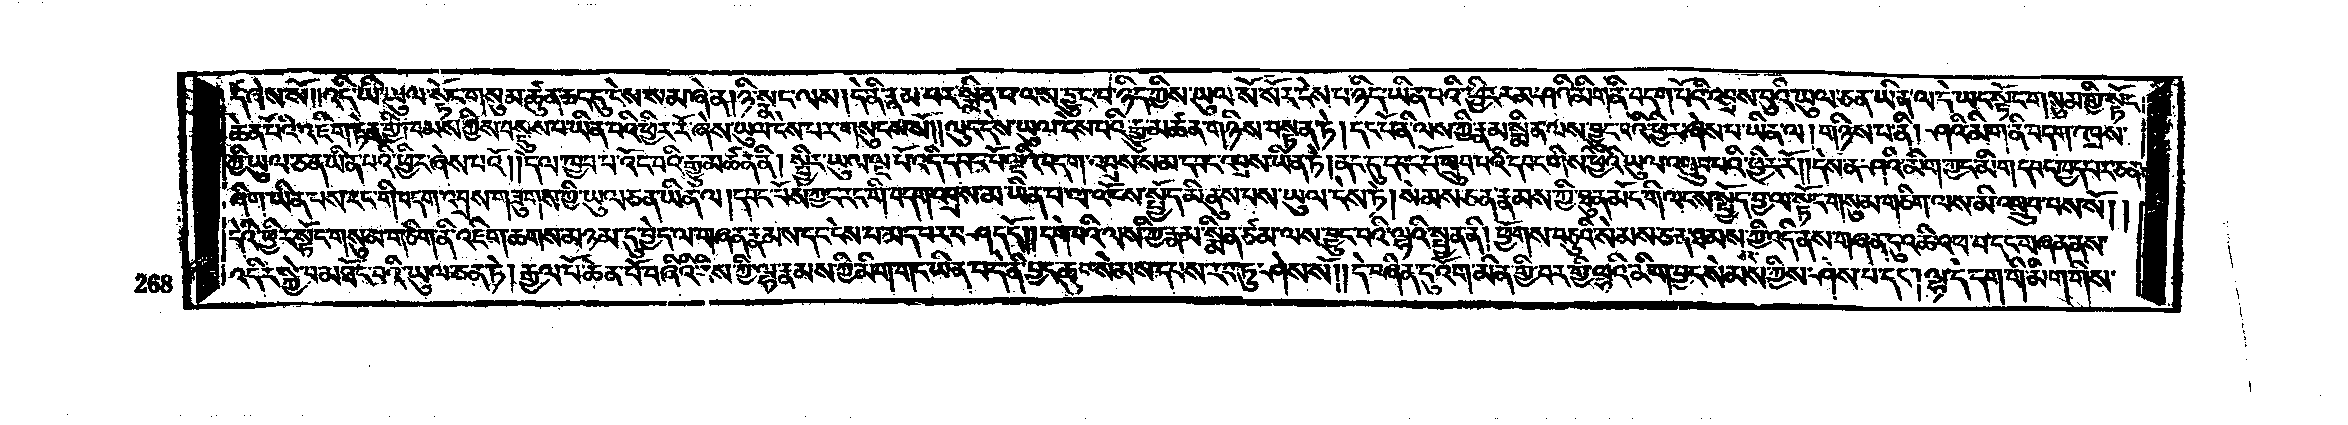དོ་ཞེས་སོ། །འདི་ཡི་ཡུལ་སྟོང་གསུམ་ཚུན་ཆད་དུ་ངེས་སམ་ཞེ་ན། ཉི་སྣང་ལས། དེ་ནི་རྣམ་པར་སྨིན་པ་ལས་བྱུང་བ་ཉིད་ཀྱིས་ཡུལ་སོ་སོར་ངེས་པ་ཉིད་ཡིན་པའི་ཕྱིར་རམ་ཤའི་མིག་ནི་བདག་པོའི་འབྲས་བུའི་ཡུལ་ཅན་ཡིན་ལ་དེ་ཡང་སྟོང་གསུམ་གྱི་སྟོང་
ཆེན་པོའི་འཇིག་རྟེན་གྱི་ཁམས་ཀྱིས་བསྡུས་པ་ཡིན་པའི་ཕྱིར་རོ་ཞེས་ཡུལ་ངེས་པར་གསུངས་སོ། །ལུང་དེས་ཡུལ་ངེས་པའི་རྒྱུ་མཚན་གཉིས་བསྟན་ཏེ། དང་པོ་ནི་ལས་ཀྱི་རྣམ་སྨིན་ལས་བྱུང་བའི་ཕྱིར་ཞེས་པ་ཡིན་ལ། གཉིས་པ་ནི། ཤའི་མིག་ནི་བདག་འབྲས་
ཀྱི་ཡུལ་ཅན་ཡིན་པའི་ཕྱིར་ཞེས་པའོ། །དེ་ལ་ཁྱབ་པ་འོང་བའི་རྒྱུ་མཚན་ནི། སྤྱིར་ཡུལ་ལྔ་པོ་འདི་དབང་པོ་ལྔའི་བདག་འབྲས་སམ་དབང་འབྲས་ཡིན་ཏེ། ནང་དུ་དབང་པོ་གྲུབ་པའི་དབང་གིས་ཕྱིའི་ཡུལ་འགྲུབ་པའི་ཕྱིར་རོ། །དེས་ན་ཤའི་མིག་ཀྱང་མིག་དབང་ཁྱད་པར་ཅན་
ཞིག་ཡིན་པས་རང་གི་བདག་འབྲས་གཟུགས་ཀྱི་ཡུལ་ཅན་ཡིན་ལ། དབང་པོས་ཀྱང་རང་གི་བདག་འབྲས་མ་ཡིན་པ་ལ་ལོངས་སྤྱོད་མི་ནུས་པས་ཡུལ་ངེས་ཏེ། སེམས་ཅན་རྣམས་ཀྱི་ཐུན་མོང་གི་ལངས་སྤྱོད་བྱ་ལ་སྟོང་གསུམ་གཅིག་ལས་མི་འགྲུབ་པས་སོ། །
དེའི་ཕྱིར་སྟོང་གསུམ་གཅིག་ནི་འཇིག་ཆགས་མཉམ་དུ་བྱེད་ལ་གཞན་རྣམས་དང་ངེས་པ་མེད་པར་བཤད་དོ། །དགེ་བའི་ལས་ཀྱི་རྣམ་སྨིན་ཙམ་ལས་བྱུང་བའི་ལྷའི་སྤྱན་ནི། ཕྱོགས་བཅུའི་སེམས་ཅན་ཐམས་ཅད་ཀྱི་འདི་ནས་གཞན་དུ་འཆི་འཕ་བ་དང་གཞན་ནས་
འདིར་སྐྱེ་བ་མཐོང་བའི་ཡུལ་ཅན་ཏེ། རྒྱལ་པོ་ཆེན་པོ་བཞིའི་རིས་ཀྱི་ལྷ་རྣམས་ཀྱི་མིག་གང་ཡིན་པ་དེ་ནི་བྱང་ཆུབ་སེམས་དཔས་རབ་ཏུ་ཤེས་སོ། །དེ་བཞིན་དུ་འོག་མིན་གྱི་བར་གྱི་ལྷའི་མིག་བྱང་སེམས་ཀྱིས་ཤེས་པ་དང་། ལྷ་དེ་དག་གི་མིག་གིས་